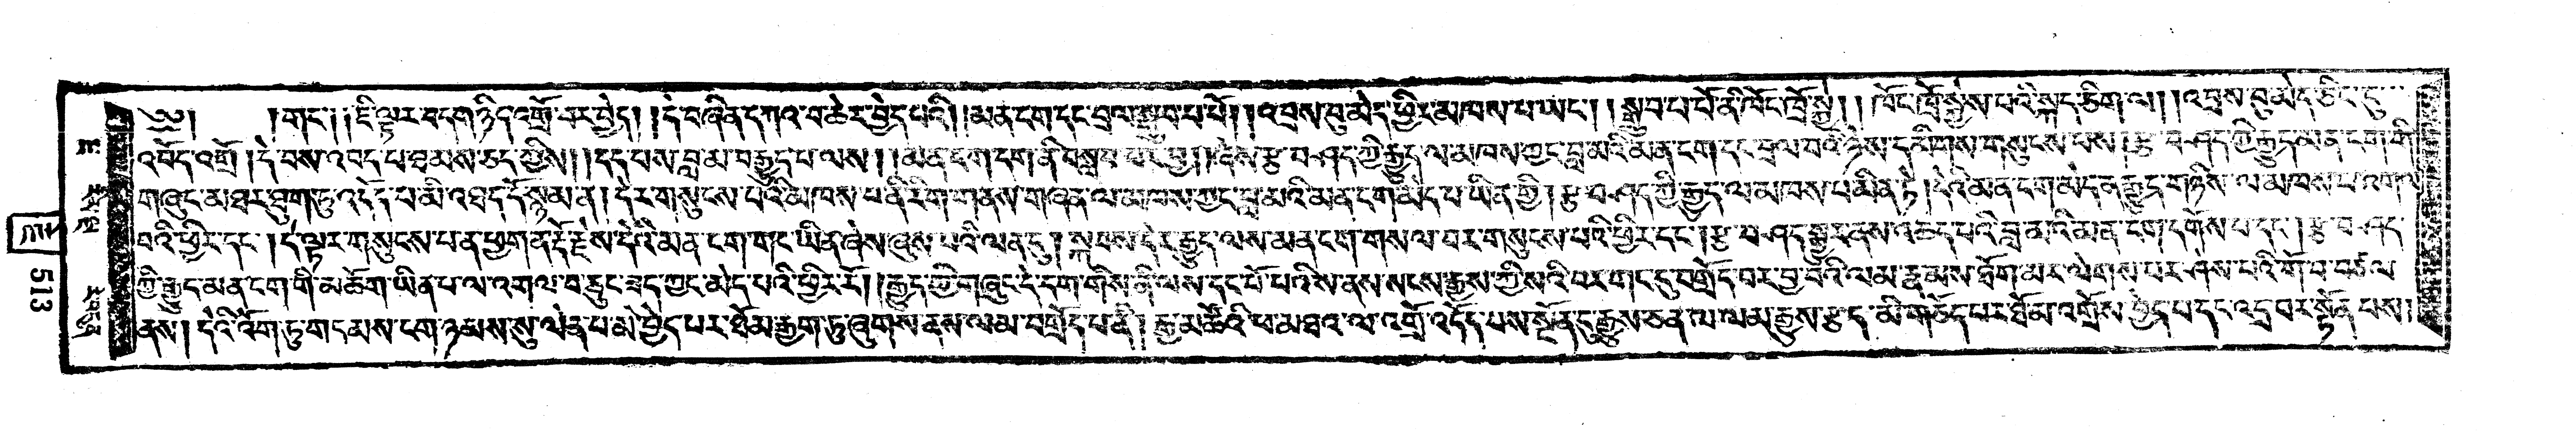༄༅། །གང༑ ༑ཇི་ལྟར་བདག་ཉིད་འགྲོ་བར་བྱེད། །དེ་བཞིན་དཀའ་བ་ཆེར་བྱེད་པའི། །མན་ངག་དང་བྲལ་སྒྲུབ་པ་པོ། །འབྲས་བུ་མེད་ཕྱིར་མཁས་པ་ཡང་། །སྒྲུབ་པ་པོ་ནི་ཁོང་ཁྲོ་སྐྱེ། །ཁོང་ཁྲོ་སྐྱེས་པའི་སྐད་ཅིག་ལ། །འབྲས་བུ་མེད་ཅིང་དུ་
འབོད་འགྲོ་།དེ་བས་འབད་པ་ཐམས་ཅད་ཀྱིས། །དད་པས་བླ་མ་བརྒྱུད་པ་ལས། །མན་ངག་དག་ནི་བསླབ་པར་བྱ། །ཞེས་རྩ་བཤད་ཀྱི་རྒྱུད་ལ་མཁས་ཀྱང་བླ་མའི་མན་ངག་དང་བྲལ་བའི་ཉེས་དམིགས་གསུངས་པས། རྩ་བཤད་ཀྱི་རྒྱུད་མན་ངག་གི་
གཞུང་མཐར་ཐུག་ཏུ་འདོད་པ་མི་འཐད་དོ་སྙམ་ན། དེར་གསུངས་པའི་མཁས་པ་ནི་རིག་གནས་གཞན་ལ་མཁས་ཀྱང་བླ་མའི་མན་ངག་མེད་པ་ཡིན་གྱི། རྩ་བཤད་ཀྱི་རྒྱུད་ལ་མཁས་པ་མིན་ཏེ། དེའི་མན་ངག་མེད་ན་རྒྱུད་གཉིས་ལ་མཁས་པ་འགལ་
བའི་ཕྱིར་དང་། དེ་ལྟར་གསུངས་པ་ན་ཕྱག་ན་རྡོ་རྗེས་དེའི་མན་ངག་གང་ཡིན་ཞེས་ཞུས་པའི་ལན་དུ། སྐབས་དེར་རྒྱུད་ལས་མན་ངག་གསལ་བར་གསུངས་པའི་ཕྱིར་དང་། རྩ་བཤད་སྦྱར་ནས་འཆད་པའི་བླ་མའི་མན་ངག་དགོས་པ་དང་། རྩ་བཤད་
ཀྱི་རྒྱུད་མན་ངག་གི་མཆོག་ཡིན་པ་ལ་འགལ་བ་ཅུང་ཟད་ཀྱང་མེད་པའི་ཕྱིར་རོ། །རྒྱུད་ཀྱི་གཞུང་དེ་དག་གིས་ནི་ལས་དང་པོ་པའི་ས་ནས་སངས་རྒྱས་ཀྱི་སའི་བར་གང་དུ་བགྲོད་བར་བྱ་བའི་ལམ་རྣམས་ཐོག་མར་ལེགས་པར་ཤེས་པའི་གོ་བ་བཙལ་
ནས། དེའི་འོག་ཏུ་གདམས་ངག་ཉམས་སུ་ལེན་པ་མི་བྱེད་པར་ཐོམ་རྒྱག་ཏུ་ཞུགས་ནས་ལམ་བགྲོད་པ་ནི། རྒྱ་མཚོའི་ཕ་མཐའ་ལ་འགྲོ་འདོད་པས་སྔོན་དུ་རྒྱུས་ཅན་ལ་ལམ་རྒྱུས་རྩད་མི་གཅོད་པར་ཐོམ་འགྲོས་བྱེད་པ་དང་འདྲ་བར་སྟོན་པས།